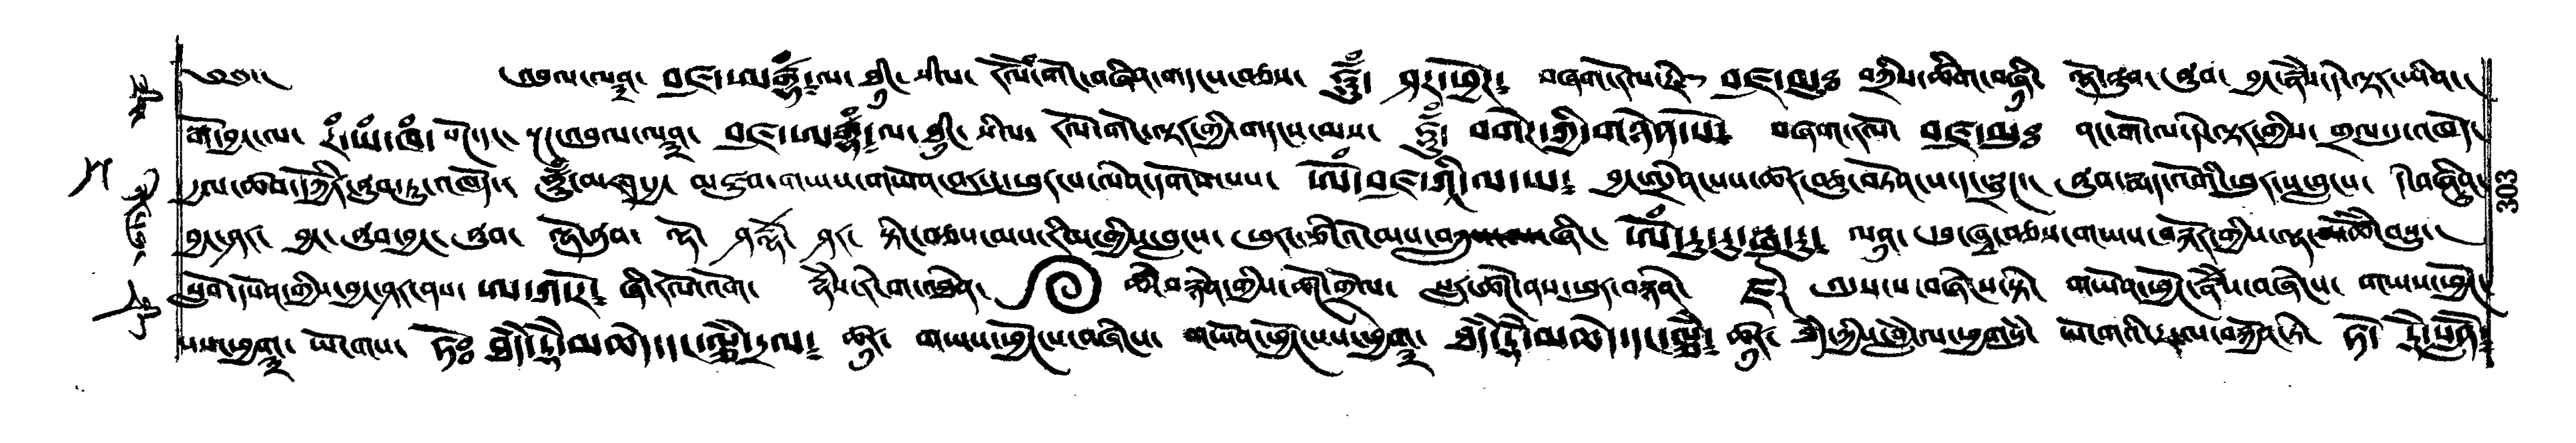འབུལ་ལན་གསུམ། བཛྲ་ཨརྒྷཾ༴ལ་ཐིང་གཅིག སིལ། རོལ་མོ་གོང་བཞིན་གདངས་བཅས། ཧཱུྃ། ཤར་ཕྱོགས༴ བཞག་རོལ་རྗེས། བཛྲ་མུཿ བཀྲ་ཤིས་ཚིག་བཞི་གཅིག ལྷོ། ནུབ། བྱང་རྣམས་དེ་ལྟར་ཡིན། 
སྒོ་བྱང་ལ། རྃ་ཡྃ་ཁྃ། སོགས་དང་། སྔགས་འབུལ་ལན་གསུམ། བཛྲ་ཨརྒྷཾ༴ ལ་ཐིང་གཅིག སིལ། རོལ་མོ་གོང་ལྟར་གྱི་གདངས་མས། ཧཱུྃ། བགེགས་ཀྱི་གཉེན་པོ༴ བཞག་རོལ། བཛྲ་མུཿ ནང་སྒོ་ལ་དེ་ལྟར་གྱིས། གྲལ་དུ་འཁོད། 
རྒྱལ་ཚབ་དཀྱིལ་འཁོར་ནུབ་ཏུ་འཁོད། ཧཱུྃ་མཛད་རྒྱ། མཛུབ་གཡས་གཡོན་བར་དུ་ཕུར་པ་ལེན་དགོས་པས། ཨོཾ་བཛྲ་ཀཱི་ལ་ཡ༴ བྱང་འདྲེན་པས་ཚར་བཅུ་བཏོན་པ་དང་སྦྲགས། ནུབ་སྨད་འོག་གི་ཕུར་པ་བླང་། དེ་བཞིན་དུ་
བྱང་ཤར། བྱང་། ནུབ་བྱང་། ནུབ། ལྷོ་ནུབ། ལྷོ། ཤར་ལྷོ། ཤར། སྟེང་བཅས་མས་རིམ་གྱིས་བླང་། ཕུར་རྩེ་འོ་མས་བཀྲུ་ཞིང་། ཨོཾ་རུ་རུ་སྥུ་རུ༴ ལན་གཅིག དབུ་ཞྭ་བཅས་གཡས་བསྐོར་གྱིས་ལྷ་ཚོམ་བསྡུ། 
སློབ་དཔོན་གྱིས་བྱང་ཤར་ནས། ཨ་ཀ་རོ༴ ཞི་རོལ་འོག རྡོ་རྗེས་རེ་ཁ་འཐེན། ཚེ་སྙེན་གྱིས་ཚོགས་གྲོལ། སླར་ཚོགས་ནས་ཕུར་བསྙེན། འདུས་པ་བཞེངས་སྟེ། གཡོན་ཕྱོགས་རྣམས་བཞེངས། གཡས་ཕྱོགས་
པས་ཕྱག་གསུམ། ཡོ་གས། ཧོཿ ཐམས་ཅད་རྡོ་རྗེ་མཆེད་དང་ལྕམ་དྲལ༴ ཚར་གཅིག གཡས་ཕྱོགས་པ་བཞེངས། གཡོན་ཕྱོགས་པས་ཕྱག་གཅིག ཐམས་ཅད་རྡོ་རྗེ་མཆེད་དང་ལྕམ༴ ཚར་གཅིག ཐམས་ཅད་ཀྱིས་བླ་མ་ལ་ཕྱག་གསུམ། ཡོ་གའི་རྟ་ལ་བསྐྱོན་ཏེ། ཧོ། རྡོ་རྗེ་སློབ་དཔོན༴